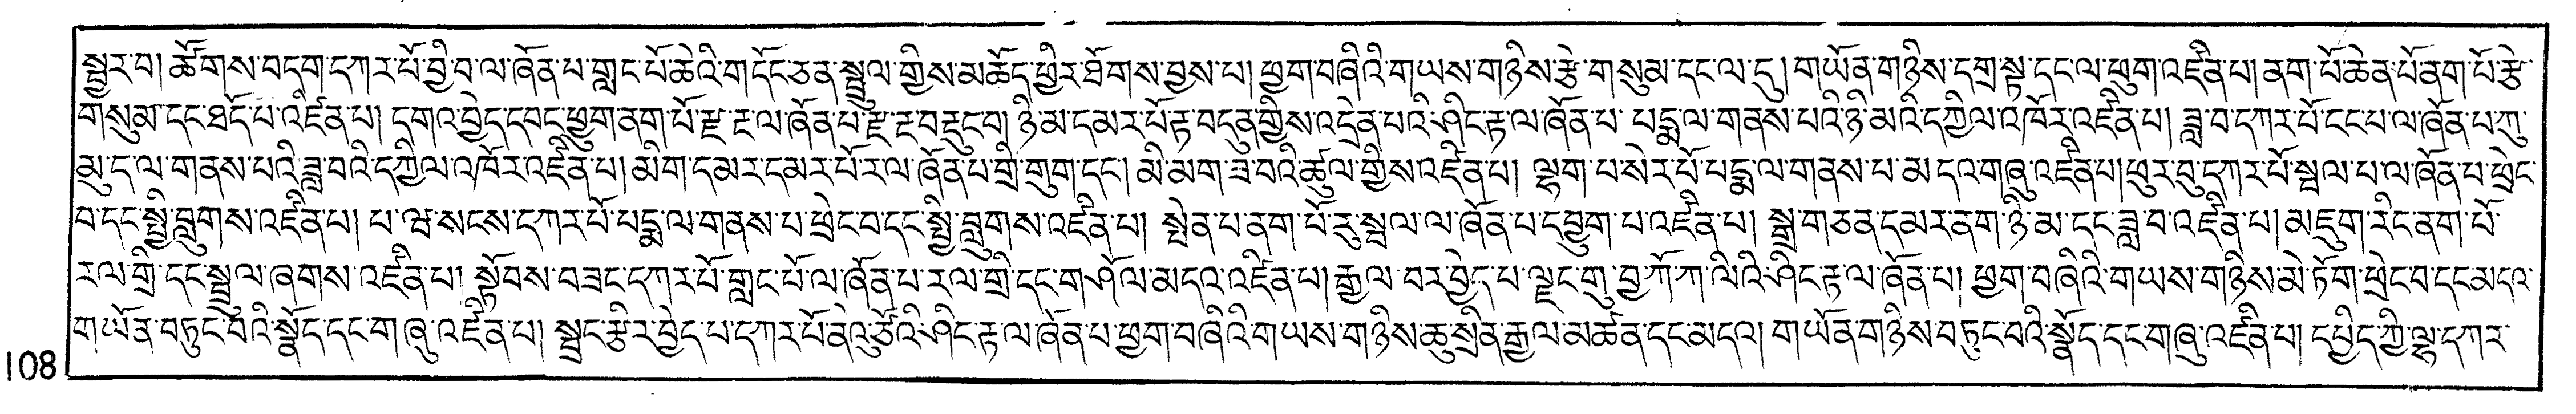སྦྱར་བ། ཚོགས་བདག་དཀར་པོ་བྱི་བ་ལ་ཞོན་པ་གླང་པོ་ཆེའི་གདོང་ཅན་སྦྲུལ་གྱིས་མཆོད་ཕྱིར་ཐོགས་བྱས་པ། ཕྱག་བཞིའི་གཡས་གཉིས་རྩེ་གསུམ་དང་ལ་དུ། གཡོན་གཉིས་དགྲ་སྟ་དང་ལ་ཕུག་འཛིན་པ། ནག་པོ་ཆེན་པོ་ནག་པོ་རྩེ་
གསུམ་དང་ཐོད་པ་འཛིན་པ། དགའ་བྱེད་དབང་ཕྱུག་ནག་པོ་རྫ་རྔ་ལ་ཞོན་པ་རྫ་རྔ་བརྡུང་བ། ཉི་མ་དམར་པོ་རྟ་བདུན་གྱིས་འདྲེན་པའི་ཤིང་རྟ་ལ་ཞོན་པ་པདམ་ལ་གནས་པའི་ཉི་མའི་དཀྱིལ་འཁོར་འཛིན་པ། ཟླ་བ་དཀར་པོ་ངང་པ་ལ་ཞོན་པ་ཀུ་
མུ་ད་ལ་གནས་པའི་ཟླ་བའི་དཀྱིལ་འཁོར་འཛིན་པ། མིག་དམར་དམར་པོ་ར་ལ་ཞོན་པ་གྲི་གུག་དང་། མི་མག་ཟ་བའི་ཚུལ་གྱིས་འཛིན་པ། ལྷག་པ་སེར་པོ་པདམ་ལ་གནས་པ་མདའ་གཞུ་འཛིན་པ། ཕུར་བུ་དཀར་པོ་སྦལ་པ་ལ་ཞོན་པ་ཕྲེང་
བ་དང་སྤྱི་བླུགས་འཛིན་པ། པ་ཝ་སངས་དཀར་པོ་པདམ་ལ་གནས་པ་ཕྲེང་བ་དང་སྤྱི་བླུགས་འཛིན་པ། སྤེན་པ་ནག་པོ་རུ་སྦལ་ལ་ཞོན་པ་དབྱུག་པ་འཛིན་པ། སྒྲ་གཅན་དམར་ནག་ཉི་མ་དང་ཟླ་བ་འཛིན་པ། མཇུག་རིང་ནག་པོ་
རལ་གྲི་དང་སྦྲུལ་ཞགས་འཛིན་པ། སྟོབས་བཟང་དཀར་པོ་གླང་པོ་ལ་ཞོན་པ་རལ་གྲི་དང་གཤོལ་མདའ་འཛིན་པ། རྒྱལ་བར་བྱེད་པ་ལྗང་གུ་བྱ་ཀོ་ཀ་ལིའི་ཤིང་རྟ་ལ་ཞོན་པ། ཕྱག་བཞིའི་གཡས་གཉིས་མེ་ཏོག་ཕྲེང་བ་དང་མདའ་
གཡོན་བཏུང་བའི་སྣོད་དང་གཞུ་འཛིན་པ། སྦྲང་རྩིར་བྱེད་པ་དཀར་པོ་ནེའུ་ཙོའི་ཤིང་རྟ་ལ་ཞོན་པ་ཕྱག་བཞིའི་གཡས་གཉིས་ཆུ་སྲིན་རྒྱལ་མཚན་དང་མདའ། གཡོན་གཉིས་བཏུང་བའི་སྣོད་དང་གཞུ་འཛིན་པ། དཔྱིད་ཀྱི་ལྷ་དཀར་